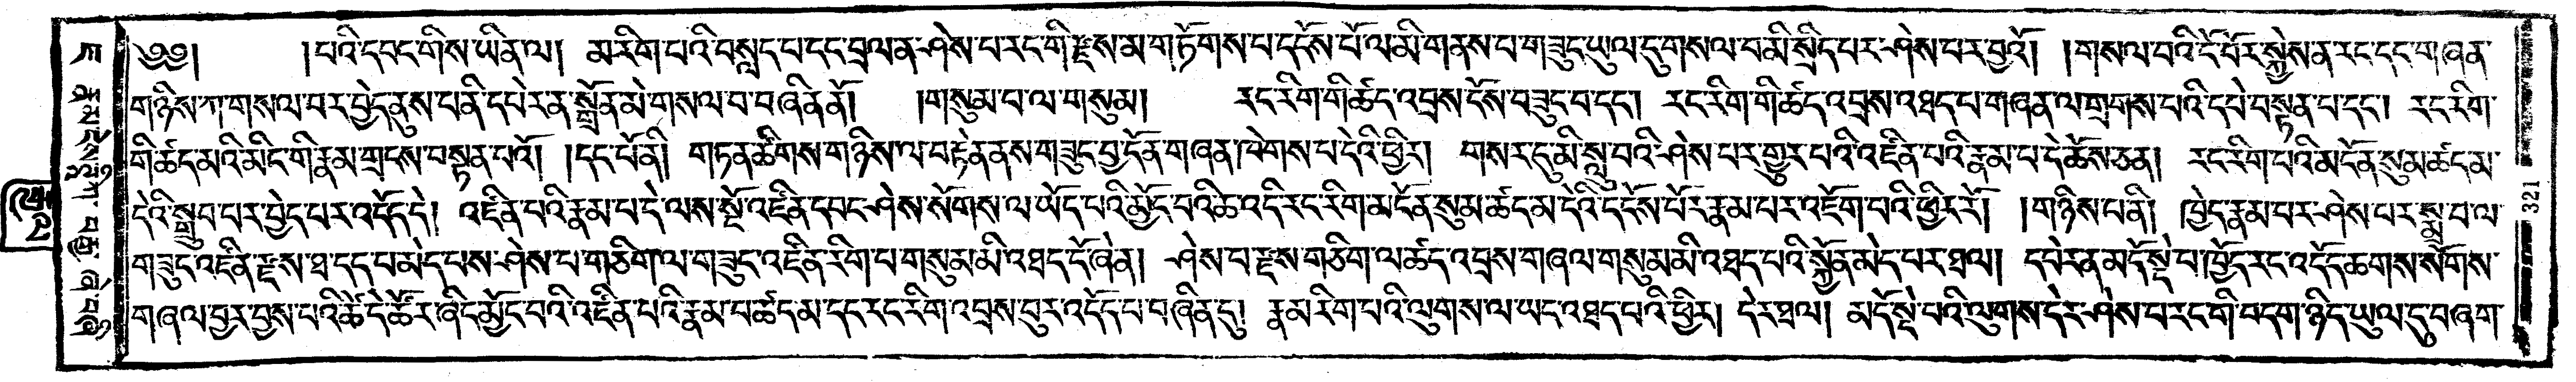༄༅། །པའི་དབང་གིས་ཡིན་ལ། མ་རིག་པའི་བསླད་པ་དང་བྲལ་ན་ཤེས་པ་རང་གི་རྫས་མ་གཏོགས་པ་དངོས་པོ་ལ་མི་གནས་པ་གཟུང་ཡུལ་དུ་གསལ་བ་མི་སྲིད་པར་ཤེས་པར་བྱའོ། །གསལ་བའི་ངོ་བོར་སྐྱེས་ན་རང་དང་གཞན་
གཉིས་ཀ་གསལ་བར་བྱེད་ནུས་པ་ནི་དཔེར་ན་སྒྲོན་མེ་གསལ་བ་བཞིན་ནོ། །གསུམ་པ་ལ་གསུམ། རང་རིག་གི་ཚད་འབྲས་ངོས་བཟུང་བ་དང་། རང་རིག་གི་ཚད་འབྲས་འཐད་པ་གཞན་ལ་གྲགས་པའི་དཔེ་བསྟན་པ་དང་། རང་རིག་
གི་ཚད་མའི་མིང་གི་རྣམ་གྲངས་བསྟན་པའོ། །དང་པོ་ནི། གཏན་ཚིགས་གཉིས་ལ་བརྟེན་ནས་གཟུང་བྱ་དོན་གཞན་ཁེགས་པ་དེའི་ཕྱིར། གསར་དུ་མི་སླུ་བའི་ཤེས་པར་གྱུར་པའི་འཛིན་པའི་རྣམ་པ་དེ་ཆོས་ཅན། རང་རིག་པའི་མངོན་སུམ་ཚད་མ་
དེའི་སྒྲུབ་པར་བྱེད་པར་འདོད་དེ། འཛིན་པའི་རྣམ་པ་དེ་ལས་སྔོ་འཛིན་དབང་ཤེས་སོགས་ལ་ཡོད་པའི་མྱོང་བའི་ཆ་འདི་རང་རིག་མངོན་སུམ་ཚད་མ་དེའི་དངོས་པོར་རྣམ་པར་འཇོག་པའི་ཕྱིར་རོ། །གཉིས་པ་ནི། ཁྱེད་རྣམ་པར་ཤེས་པར་སྨྲ་བ་ལ་
གཟུང་འཛིན་རྫས་ཐ་དད་པ་མེད་པས་ཤེས་པ་གཅིག་ལ་གཟུང་འཛིན་རིག་པ་གསུམ་མི་འཐད་དོ་ཞེ་ན། ཤེས་པ་རྫས་གཅིག་ལ་ཚད་འབྲས་གཞལ་གསུམ་མི་འཐད་པའི་སྐྱོན་མེད་པར་ཐལ། དཔེར་ན་མདོ་སྡེ་པ་ཁྱོད་རང་འདོད་ཆགས་སོགས་
གཞལ་བྱར་བྱས་པའི་ཚེ་དེ་ཚོར་ཞིང་མྱོང་བའི་འཛིན་པའི་རྣམ་པ་ཚད་མ་དང་རང་རིག་འབྲས་བུར་འདོད་པ་བཞིན་དུ། རྣམ་རིག་པའི་ལུགས་ལ་ཡང་འཐད་པའི་ཕྱིར། དེར་ཐལ། མདོ་སྡེ་པའི་ལུགས་དེར་ཤེས་པ་རང་གི་བདག་ཉིད་ཡུལ་དུ་བཞག་